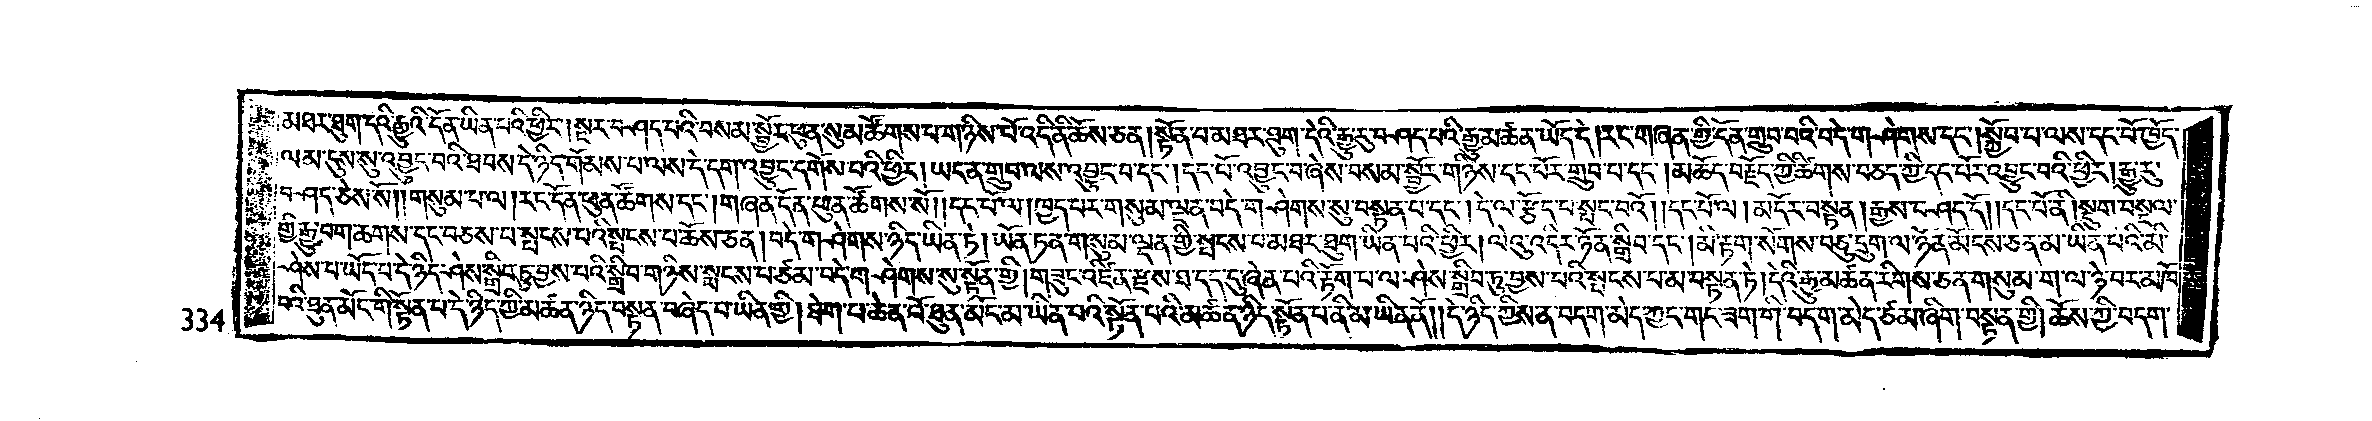མཐར་ཐུག་དའི་རྒྱུའི་དོན་ཡིན་པའི་ཕྱིར། སྔར་བཤད་པའི་བསམ་སྦྱོར་ཕུན་སུམ་ཚོགས་པ་གཉིས་པོ་འདི་ནི་ཆོས་ཅན། སྟོན་པ་མཐར་ཐུག་དེའི་རྒྱུ་རུ་བཤད་པའི་རྒྱུ་མཚན་ཡོད་དེ། རང་གཞན་ཀྱི་དོན་གྲུབ་པའི་བདེ་གཤེགས་དང་། སྐྱོབ་པ་ལས་དང་པོ་ཁྱོད་
ལམ་དུས་སུ་འབྱུང་བའི་ཐབས་དེ་ཉིད་གོམས་པ་ལས་དེ་དག་འབྱུང་དགོས་པའི་ཕྱིར། ཡང་ན་གྲུབ་ལས་འབྱུང་བ་དང་། དང་པོ་འབྱུང་བ་ཞེས་བསམ་སྦྱོར་གཉིས་དང་པོར་གྲུབ་པ་དང་། མཆོད་བརྗོད་ཀྱི་ཚིགས་བཅད་ཀྱི་དང་པོར་འབྱུང་བའི་ཕྱིར། རྒྱུ་རུ་
བཤད་ཅེས་སོ། །གསུམ་པ་ལ། རང་དོན་ཕུན་ཚོགས་དང་། གཞན་དོན་ཕུན་ཚོགས་སོ། །དང་པོ་ལ། ཁྱད་པར་གསུམ་ལྡན་བདེ་གཤེགས་སུ་བསྟན་པ་དང་། དེ་ལ་རྩོད་པ་སྤང་བའོ། །དང་པོ་ལ། མདོར་བསྟན། རྒྱས་བཤད་དོ། །དང་པོ་ནི་།སྡུག་བསྔལ་
གྱི་རྒྱུ་བག་ཆགས་དང་བཅས་པ་སྤངས་པའི་སྤངས་པ་ཆོས་ཅན། བདེ་གཤེགས་ཉིད་ཡིན་ཏེ། ཡོན་ཏན་གསུམ་ལྡན་གྱི་སྤངས་པ་མཐར་ཐུག་ཡིན་པའི་ཕྱིར། ལེའུ་འདིར་ཉོན་སྒྲིབ་དང་། མི་རྟག་སོགས་བཅུ་དྲུག་ལ་ཉོན་མོངས་ཅན་མ་ཡིན་པའི་མི་
ཤེས་པ་ཡོད་པ་དེ་ཉིད་ཤེས་སྒྲིབ་ཏུ་བྱས་པའི་སྒྲིབ་གཉིས་སྤངས་པ་ཙམ་བདེ་གཤེགས་སུ་སྟོན་གྱི། གཟུང་འཛིན་རྫས་ཐ་དད་དུ་ཞེན་པའི་རྟོག་པ་ལ་ཤེས་སྒྲིབ་ཏུ་བྱས་པའི་སྤངས་པ་མ་བསྟན་ཏེ། དེའི་རྒྱུ་མཚན་རིགས་ཅན་གསུམ་ག་ལ་ཉེ་བར་མཁོ་
བའི་ཐུན་མོང་གི་སྟོན་པ་དེ་ཉིད་ཀྱི་མཚན་ཉིད་བསྟན་བཞེད་པ་ཡིན་གྱི། ཐེག་པ་ཆེན་པོ་ཐུན་མོང་མ་ཡིན་པའི་སྟོན་པའི་མཚན་ཉིད་སྟོན་པ་ནི་མ་ཡིན་ནོ། །དེ་ཉིད་ཀྱིས་ན་བདག་མེད་ཀྱང་གང་ཟག་གི་བདག་མེད་ཙམ་ཞིག་བསྟན་གྱི། ཆོས་ཀྱི་བདག་